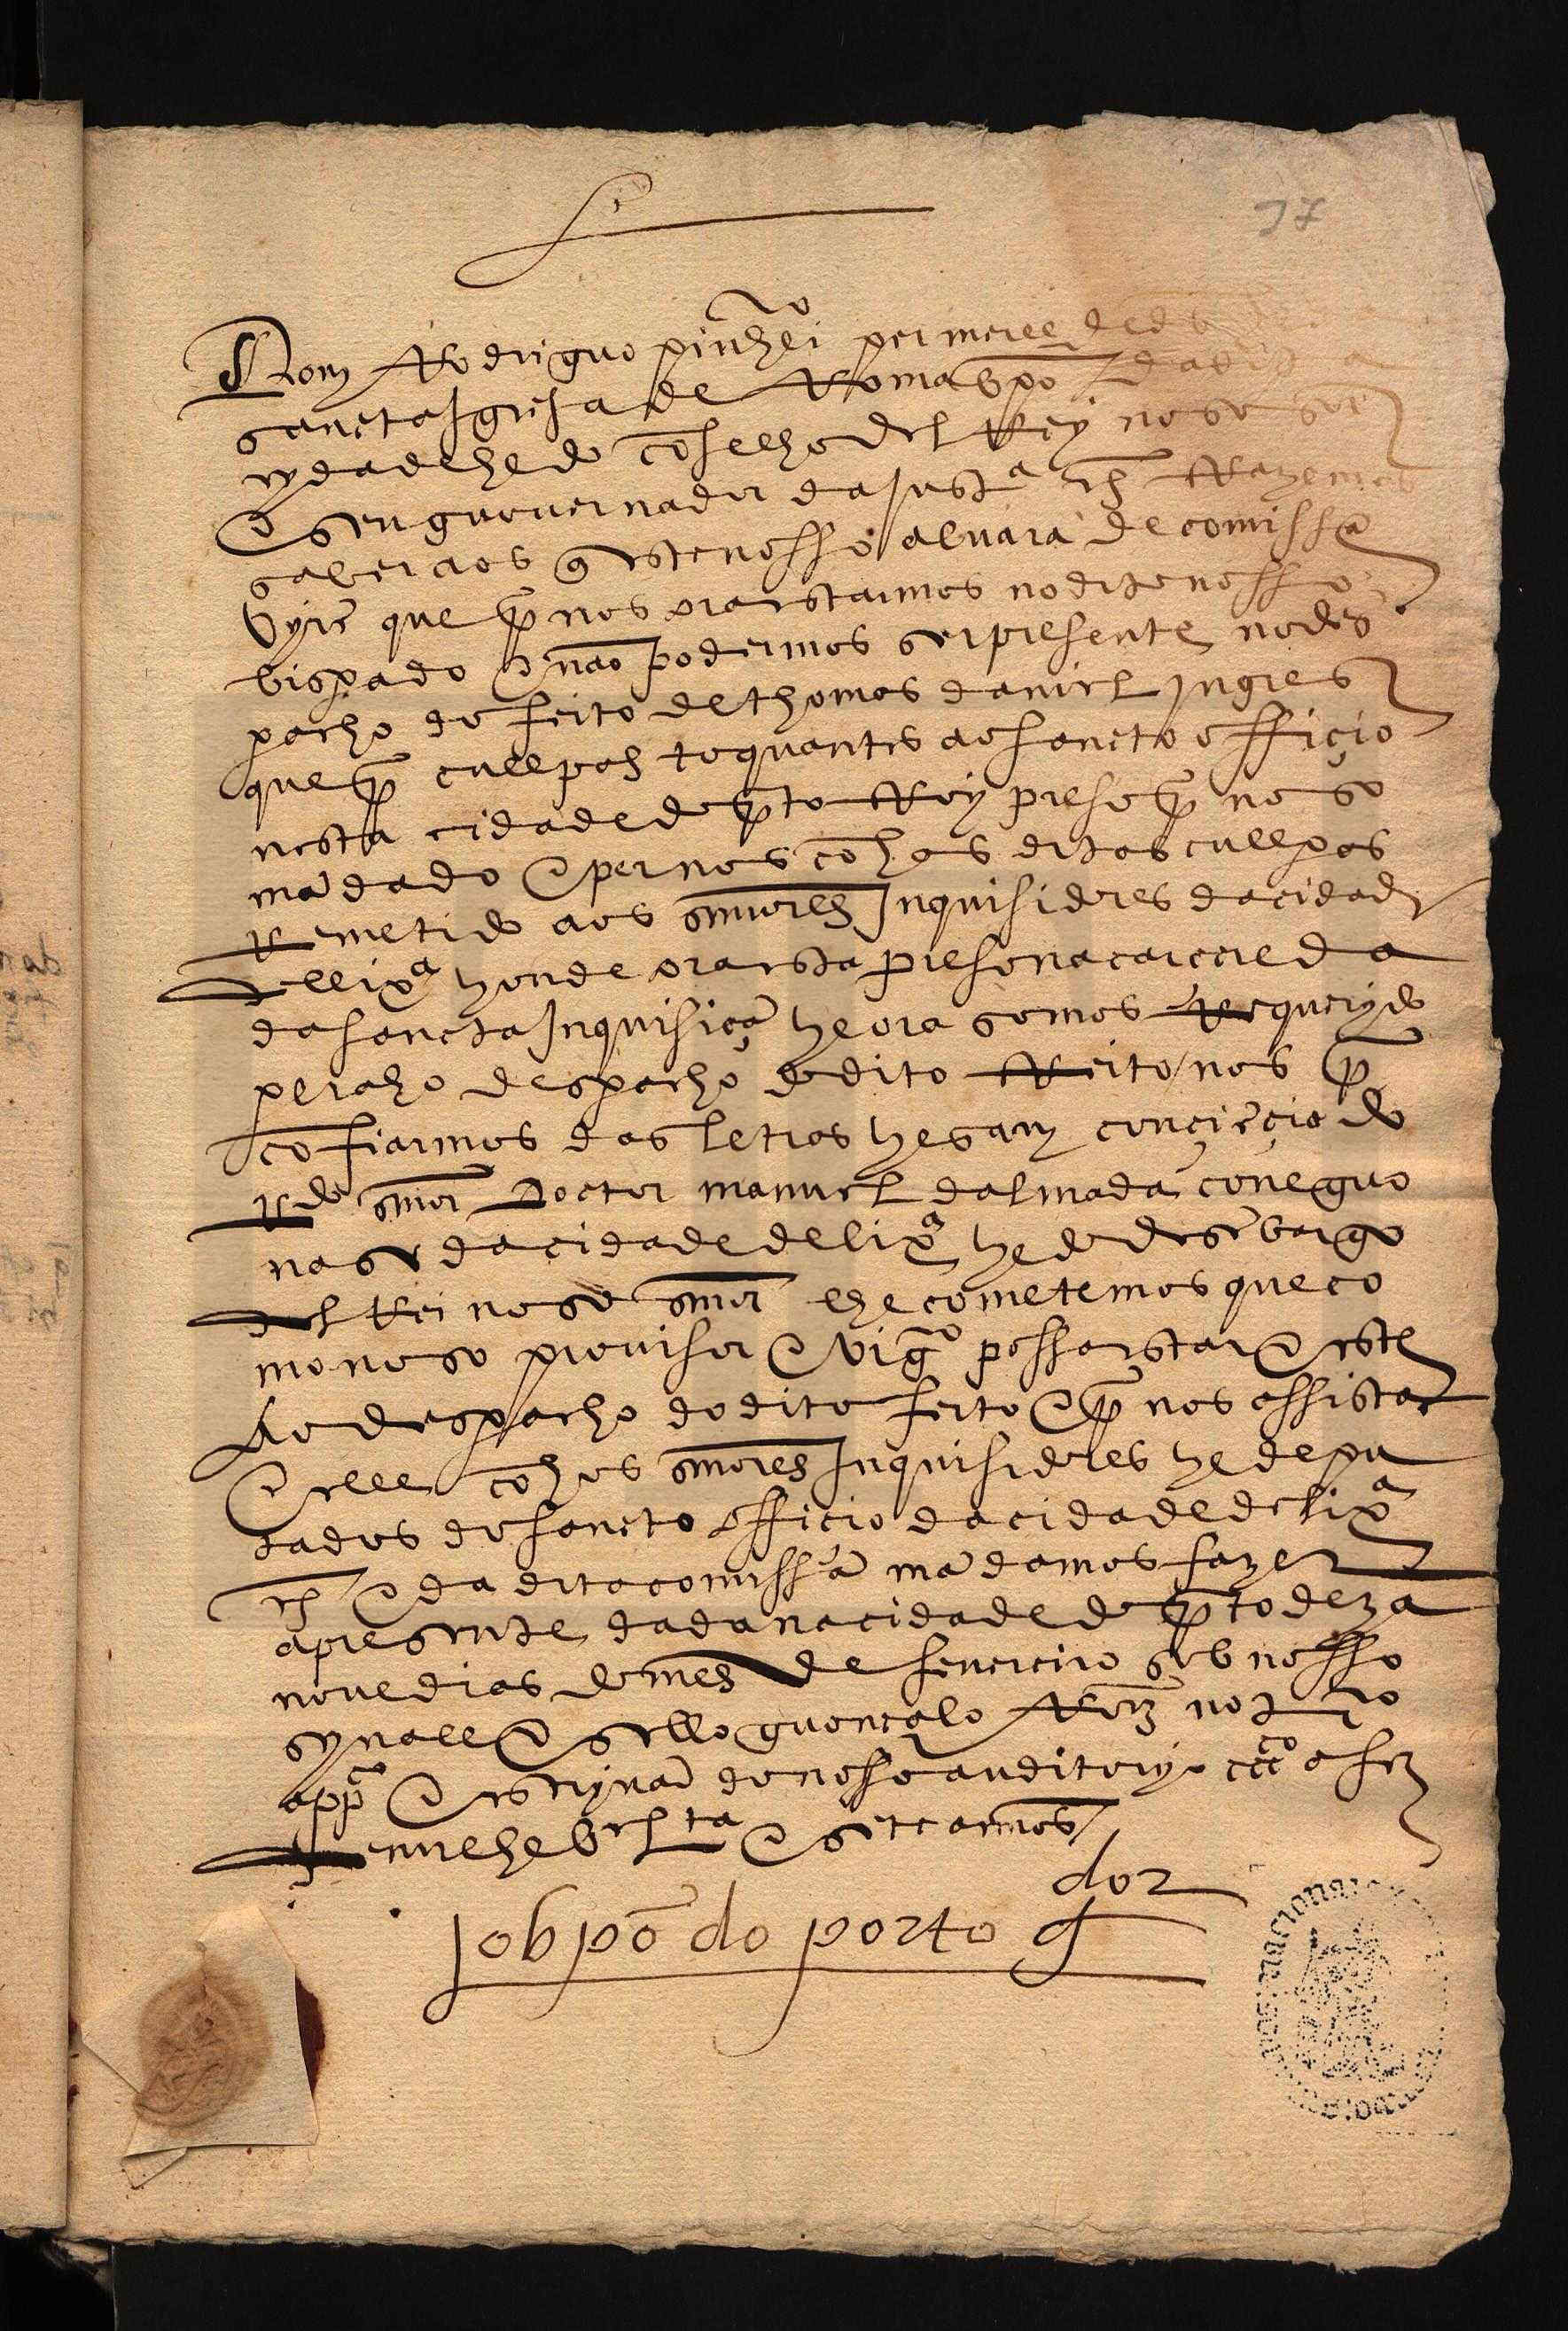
Dom Rodriguo pinheiro per merce de d̄s he da
sancta JgreJa de Roma b̄po / da dita
cydade he do cōselho del Rey noso s̄or
e seu guouernador da Justa c̄ꝭ ffazemos
saber aos q̄ este nosso aluara de comissā
vyrē que p̄o nos ora estarmos no dito nosso
bispado e não podermos ser presente no des
pacho do feito de thomas danieL jngres
que p̄o cullpas toquantes ao sancto officio
nesta cidade do p̄to ffoy preso p̄o noso
mādado e per nos c̄o has ditas cullpas
Remetido aos s̄nnores Jnquisidores da cidade
de llixa honde ora esta preso na carcere da
da sancta Jnquisiçā he ora somos Requerydo
pera ho despacho do dito ffeito / nos p̄o
cōfiarmos das Letras he sam conciēcia do
Rdo s̄nor Doctor manueL dalmada coneguo
na se da cidade de lixa he do desēbargo
del Rei noso s̄nor lhe cometemos que co
mo noso prouisor e vigro possa estar ē este
Ao despacho do dito feito e p̄o nos assista
ē elle c̄o hos s̄enores Jnquisidores he depu
tados do sancto officio da cidade de lixa
c̄ꝭ / e da dita comissā mādamos fazer
a presente dada na cidade do p̄to deza
noue dias do m̄es de feuereiro sob nosso
synall e sello guonçalo Rōiz notrro
appco e escryuā do nosso auditoryo eccco a fez
de mil he bc Lta e sete an̄nos /
o bpō do porto gdor
